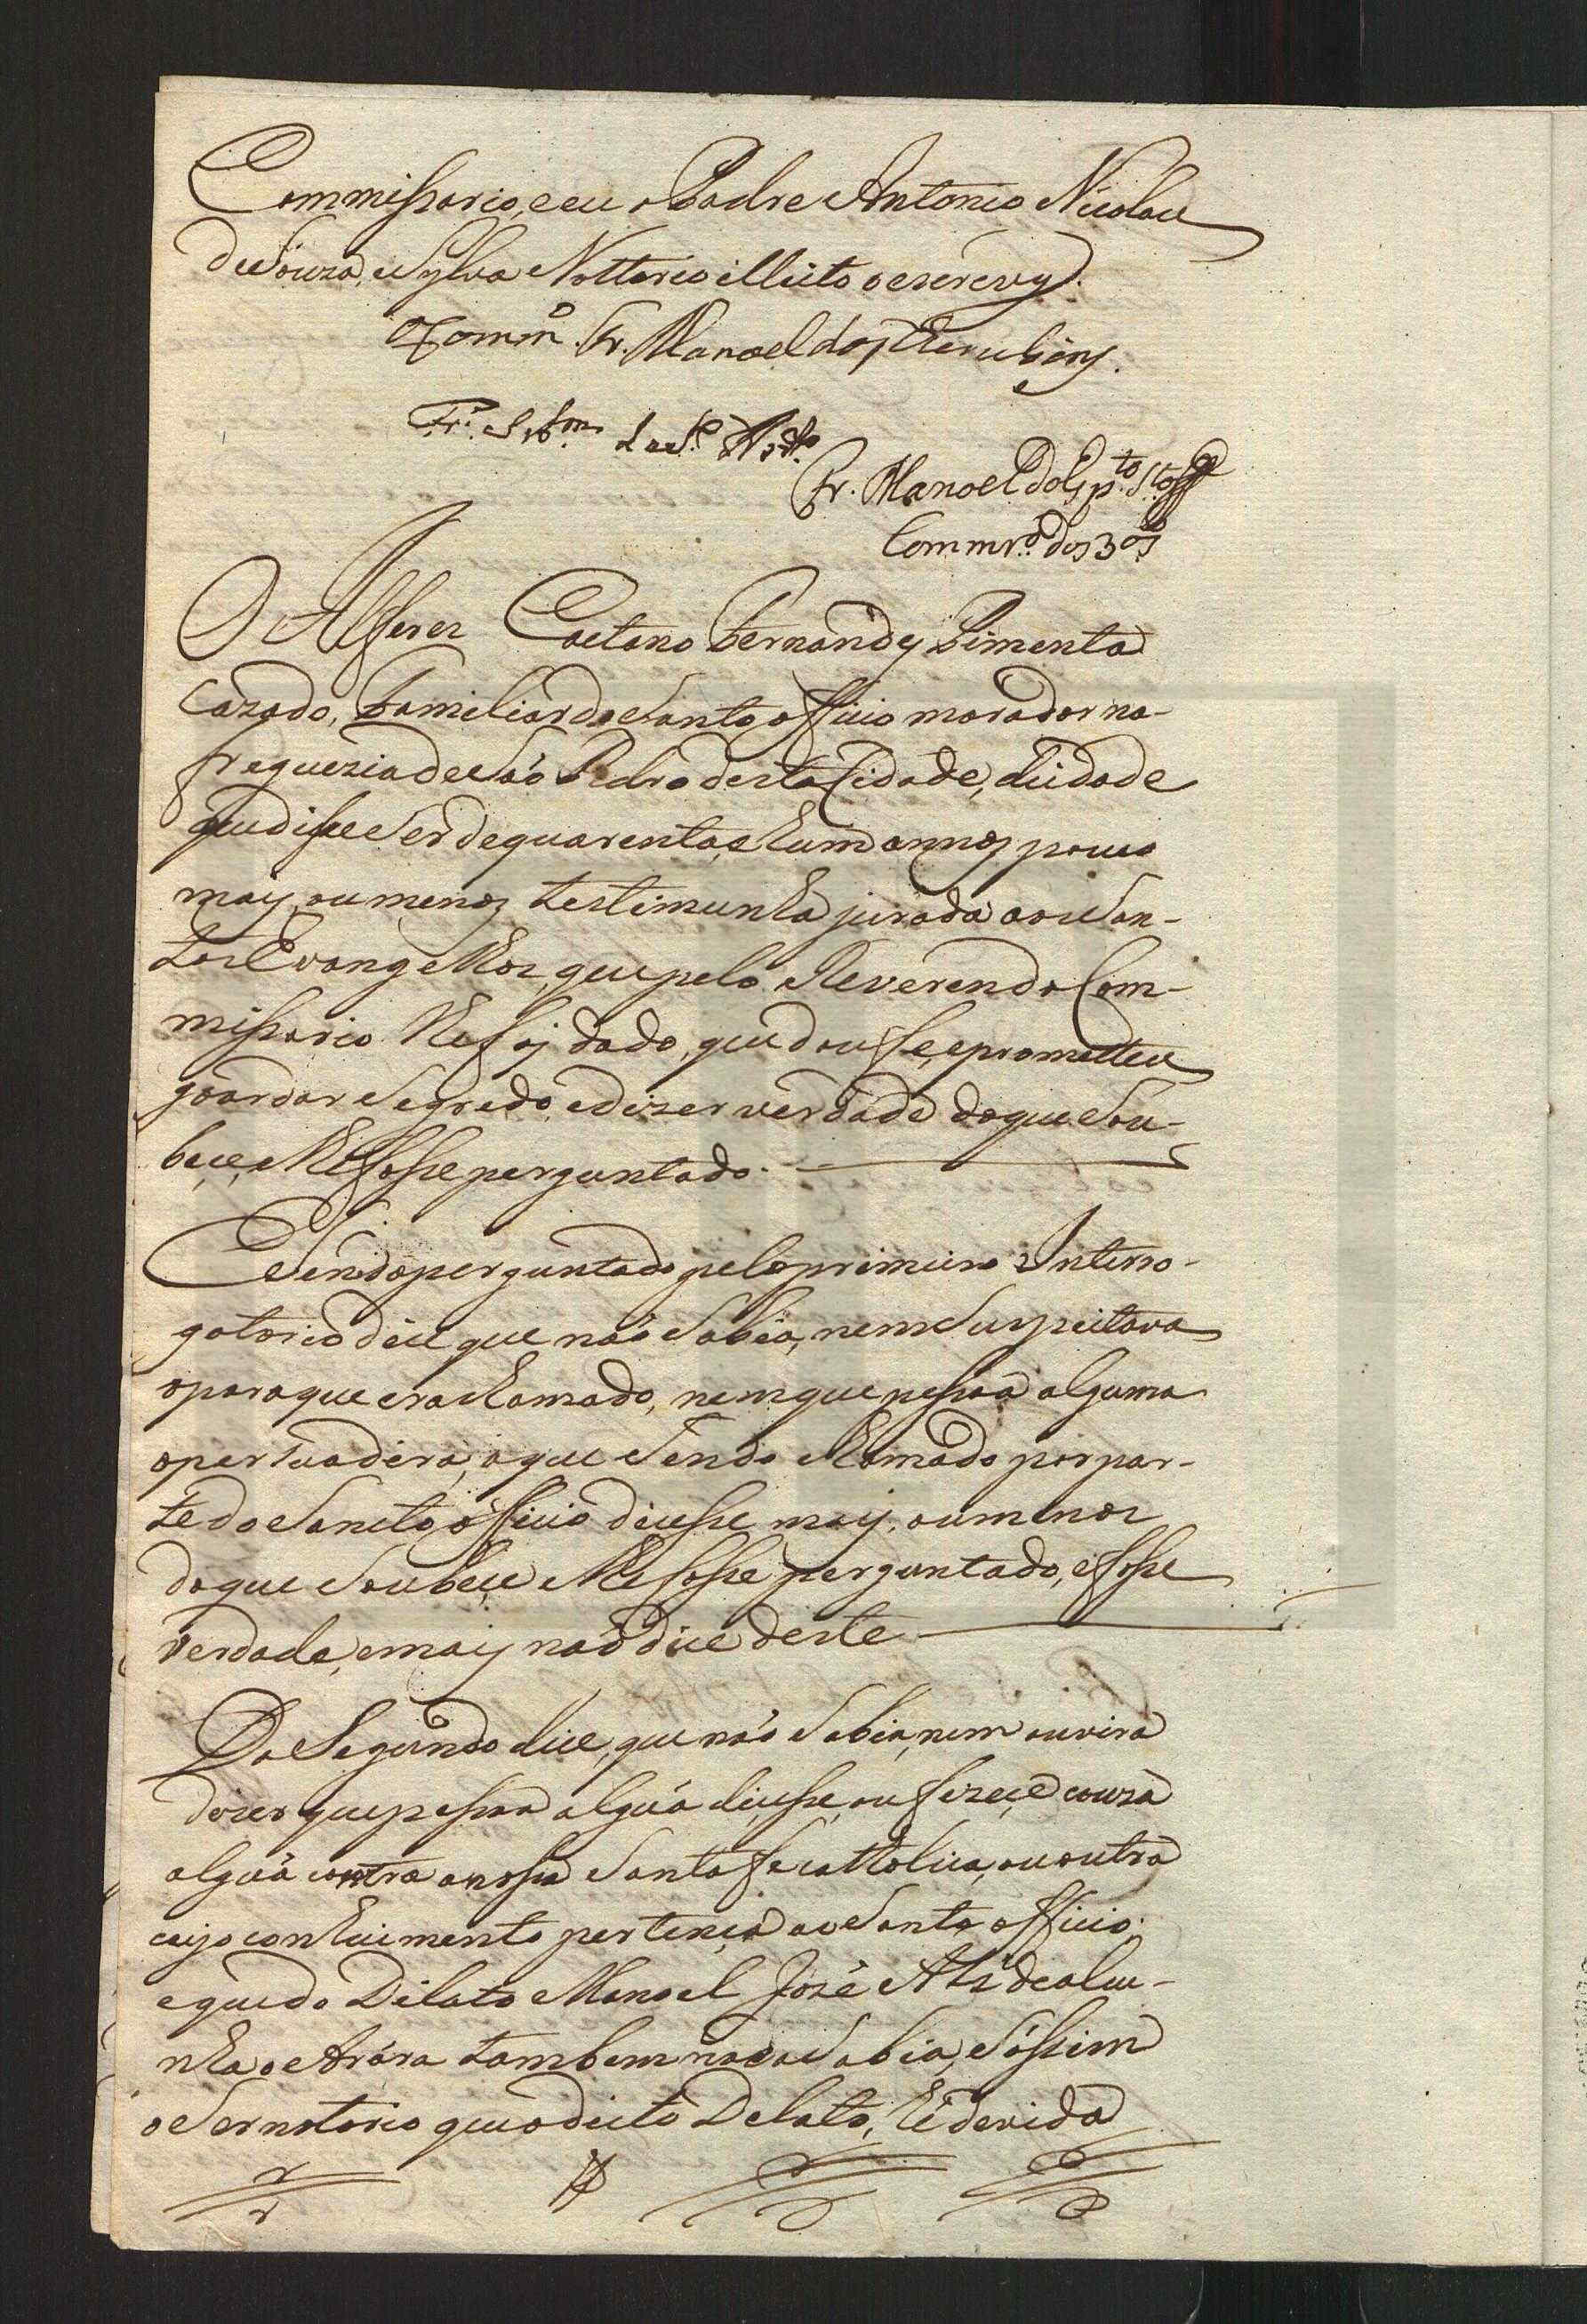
Commissario, e eu o Padre Antonio Nicolau
de Souza, e Sylva Nottario illeito o escrevy.
o Comm.o Fr. Manoel dos Cherubins.
Fr.co Seb.m de S.to Ant.o
Fr. Manoel do Esp.to s.to
Commr.o dos 3o.s
O Alferez Caeteno Fernandes Pimenta
Cazado, Familiar do Santo officio morador na
freguezia de Saõ Pedro desta Cidade, de idade
que disse ser de quarenta, e hum annos pouco
mais, ou menoz testemunha jurada aos San
tos Evangelhos, que pelo Reverendo Com
missario lhe foj dado, que dou fe, e prometteu
goardar Segredo, e dizer verdade do que Sou
beçe, e lhe fosse perguntado.
E Sendo perguntado pelo primeiro Interro
gatorio dice que naõ Sabia, nem Suspeitava
o para que era chamado, nem que pessoa alguma
o persuadira, a que Sendo chamado por par
te do Sancto officio dicesse mais, ou menos
do que Soubeçe e lhe fosse perguntado, e fosse
verdade, e mais naõ dice deste
Do Segundo diçe, que naõ sabia, nem ouvira
dizer que pessoa alguā diçesse, ou fizeçe couza
alguā contra a nossa Santa fe catholica, ou outra
cujo conhecimento pertença ao Santo officio.
e que do Dilato Manoel Jozé Alz de alcu
nha, o Arára tambem nao a Sabia, Sóssim
o Ser notorio que o dicto Delato, hé devida
